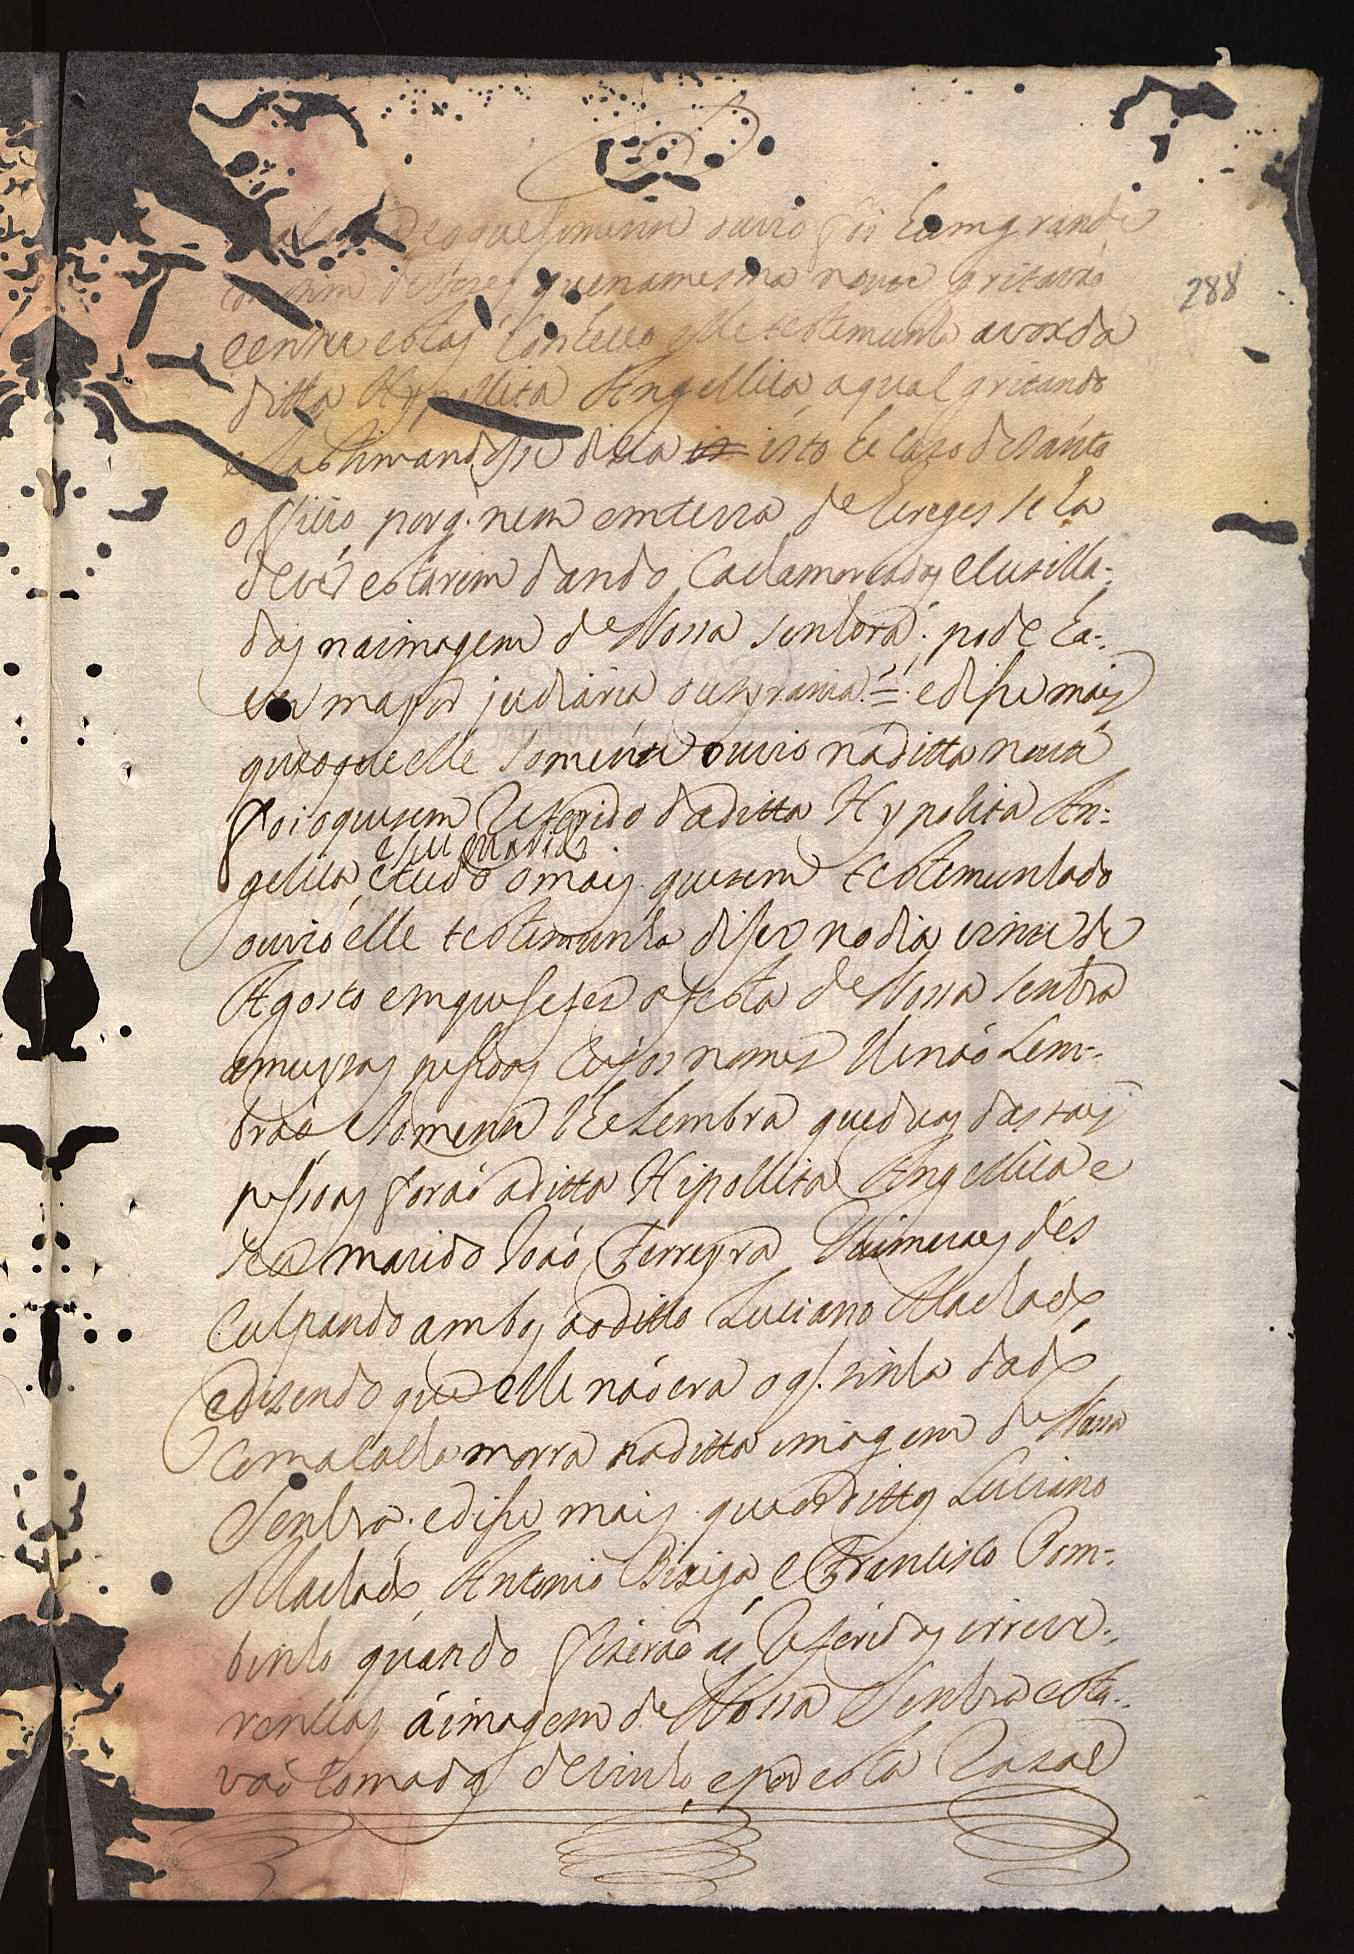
a Cama, e o que somente ouvio foi hum grande
c_tim de vezes que na mesma noute gritavaõ
e entre estas Conheceo elle testemunha a vox da
ditta Hypollita Angellica, a qual gritando
e lastimandosse dizia is isto he cazo de santo
officio porq̄. nem em terra de hereges se ha
de ver estarem dando Cachamorradas e Cutilla
das na imagem de Nossa senhora; pode ha
ver mayor judiaria, ou tyrania. = e disse mais
que o que elle somente ouvio na ditta noute
foi o que tem Referido da ditta Hypolita An
gelica,
e seu marido.
e tudo o mais que tem testemunhado
ouvio elle testemunha diser no dia vinte de
Agosto em que se fez a festa de Nossa senhora
a muytas pessoas cujos nomes lhe naõ Lem
braõ somente lhe Lembra que duas das taes
pessoas foraõ a ditta Hipollita Angellica e
seu marido Ioaõ Ferreyra Guimaraes des
Culpando ambos ao ditto Luciano Machado,
e dizendo que elle naõ era o q̄ tinha dado
com a cachomorra na ditta imagem de Nossa
Senhora; e disse mais que os dittos Luciano
Machado, Antonio Bixiga, e Francisco Pom
binho quando fizeraõ as Referidas irreve
rencias á imagem de Nossa Senhora esta
vaõ tomados de vinho, e por esta Razaõ
